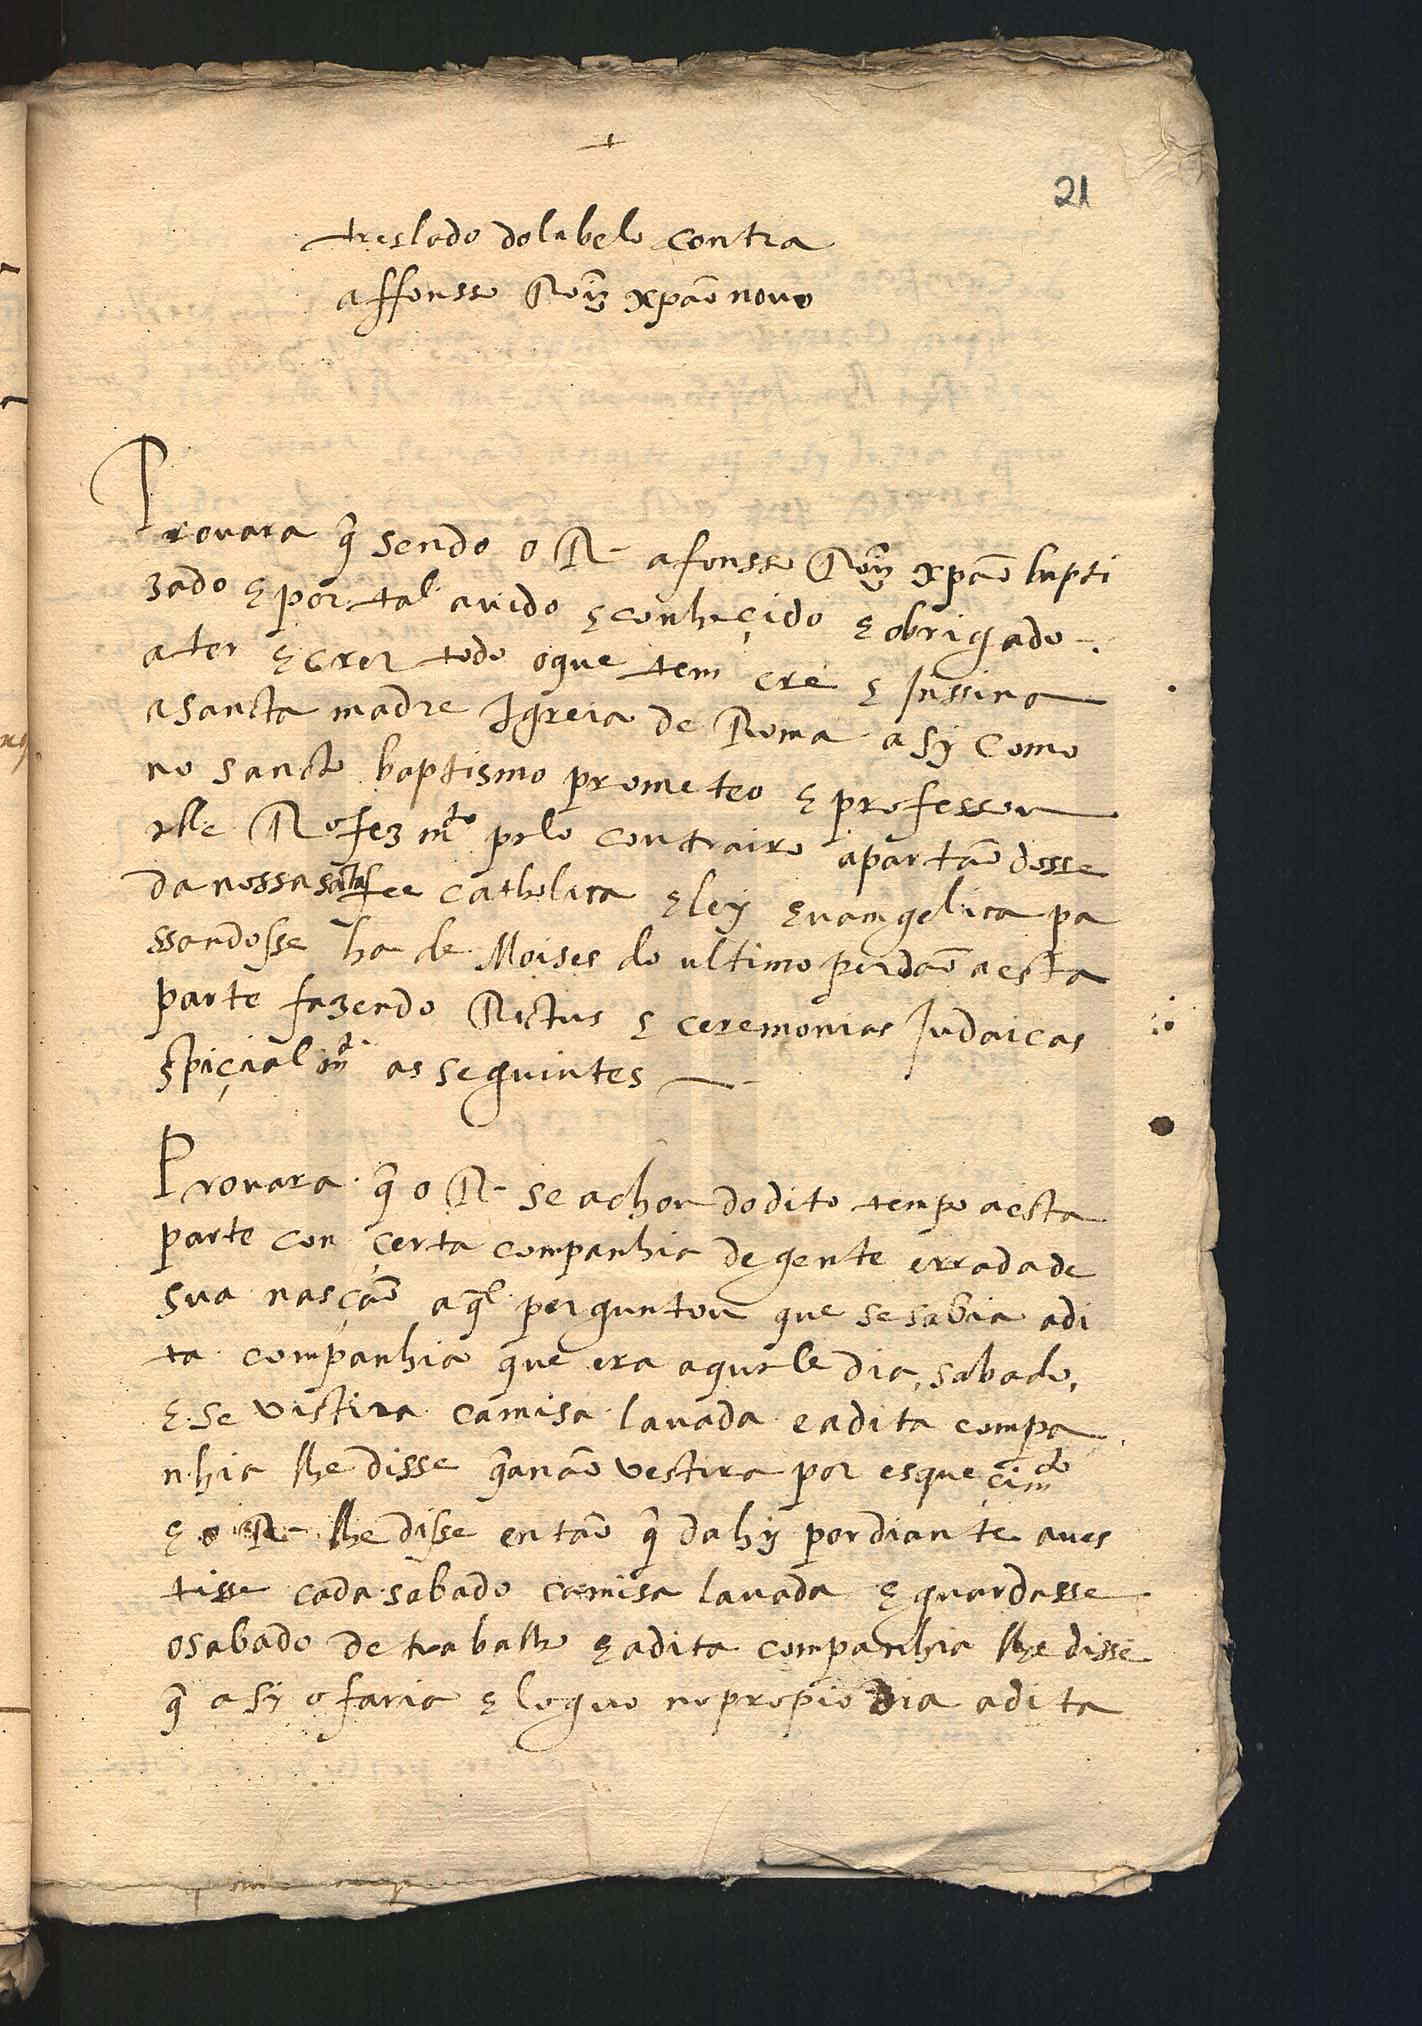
treslado do labelo contra
affonsso Ro̅iz xpão nouo
Prouara q̅ sendo o R. afonsso Ro̅iz xpão bapti
zado E por tal auido E conheçido E obrigado
a ter E crer todo o que tem cre E jnssina
a sancta madre Jgreia de Roma asy como
no sancto baptismo prometeo E professou
elle R o fez mto pelo contrairo apartãodosse
da nossa sa̅ta fee catholica E ley Euangelica pa
ssandosse ha de Moises do ultimo perdão a esta
parte fazendo Rictus E ceremonias judaicas
spiçialmte as seguintes.
Prouara q̅ o R. se achou do dito tempo a esta
parte com çerta companhia de gente errada de
sua nasção a q̄l perguntou que se sabia a di
ta companhia que era aquele dia sabado,
E se vistira camisa lauada e a dita compa
nhia lhe disse q̅ a na̅o vestira por esqueçimto
E o R. lhe disse enta̅o q̅ daly por diante a ues
tisse cada sabado camisa lauada E guardasse
o sabado de trabalho E a dita companhia lhe disse
q̅ asy o faria E loguo no propio dia a dita
